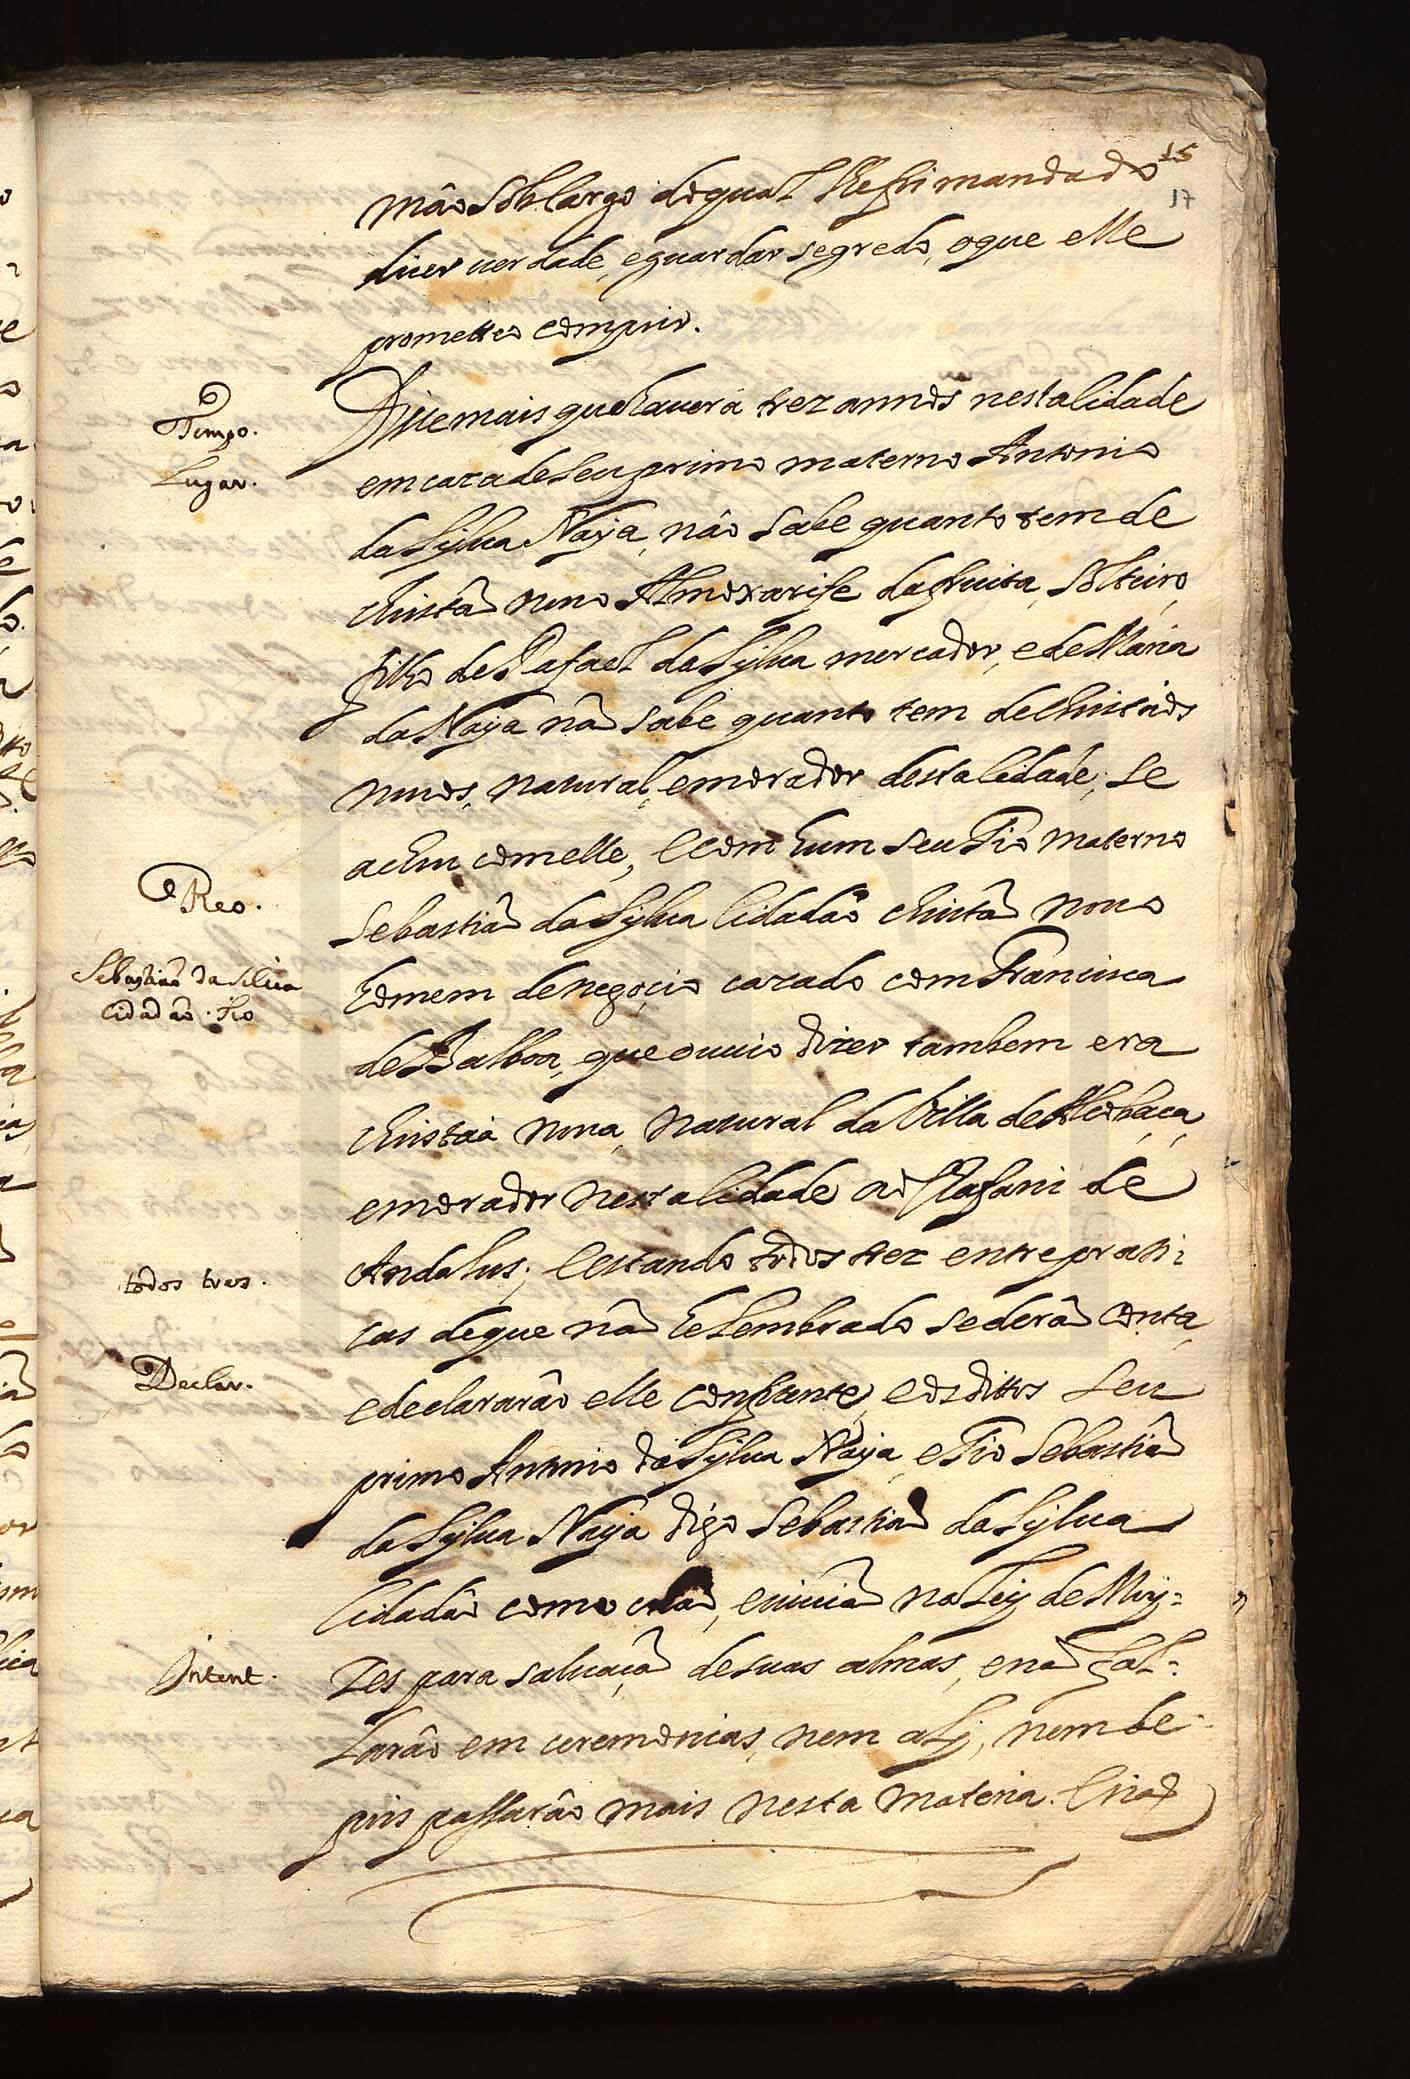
mão sob cargo do qual lhe foi mandado
dizer uerdade, e guardar segredo, o que elle
prometteo comprir.
Disse mais que hauerá trez annos nesta Cidade
em caza de seu primo materno Antonio
da Silua Naya, não sabe quanto tem de
christaõ nouo Almoxarife da fruita, solteiro,
filho de Rafael da Silua mercador, e de Maria
da Naya naõ sabe quanto tem de christaos
nouos, natural e morador desta Cidade, se
achou com elle, e com hum seu Tio materno
Sebastiaõ da Silua Cidadaõ christaõ nouo
homem de negoçio cazado com Francisca
de Balboa, que ouuio dizer tambem era
christaã noua, natural da Villa de Alcobaça,
e morador nesta Cidade ao Chafariz de
Andalus; e estando todos trez entre prati
cas de que naõ he Lembrado se deraõ conta,
e declararão elle confitente, e os dittos seu
primo Antonio da Sylua Naya, e Tio Sebastiaõ
da Sylua Naya digo Sebastiaõ da Sylua
Cidadão como criaõ, e uiuiaõ na Ley de Moy
Zes para saluaçaõ de suas almas, e naõ fal
Larão em ceremonias, nem aLj, nem de
pois passarão mais nesta materia. E naõ
